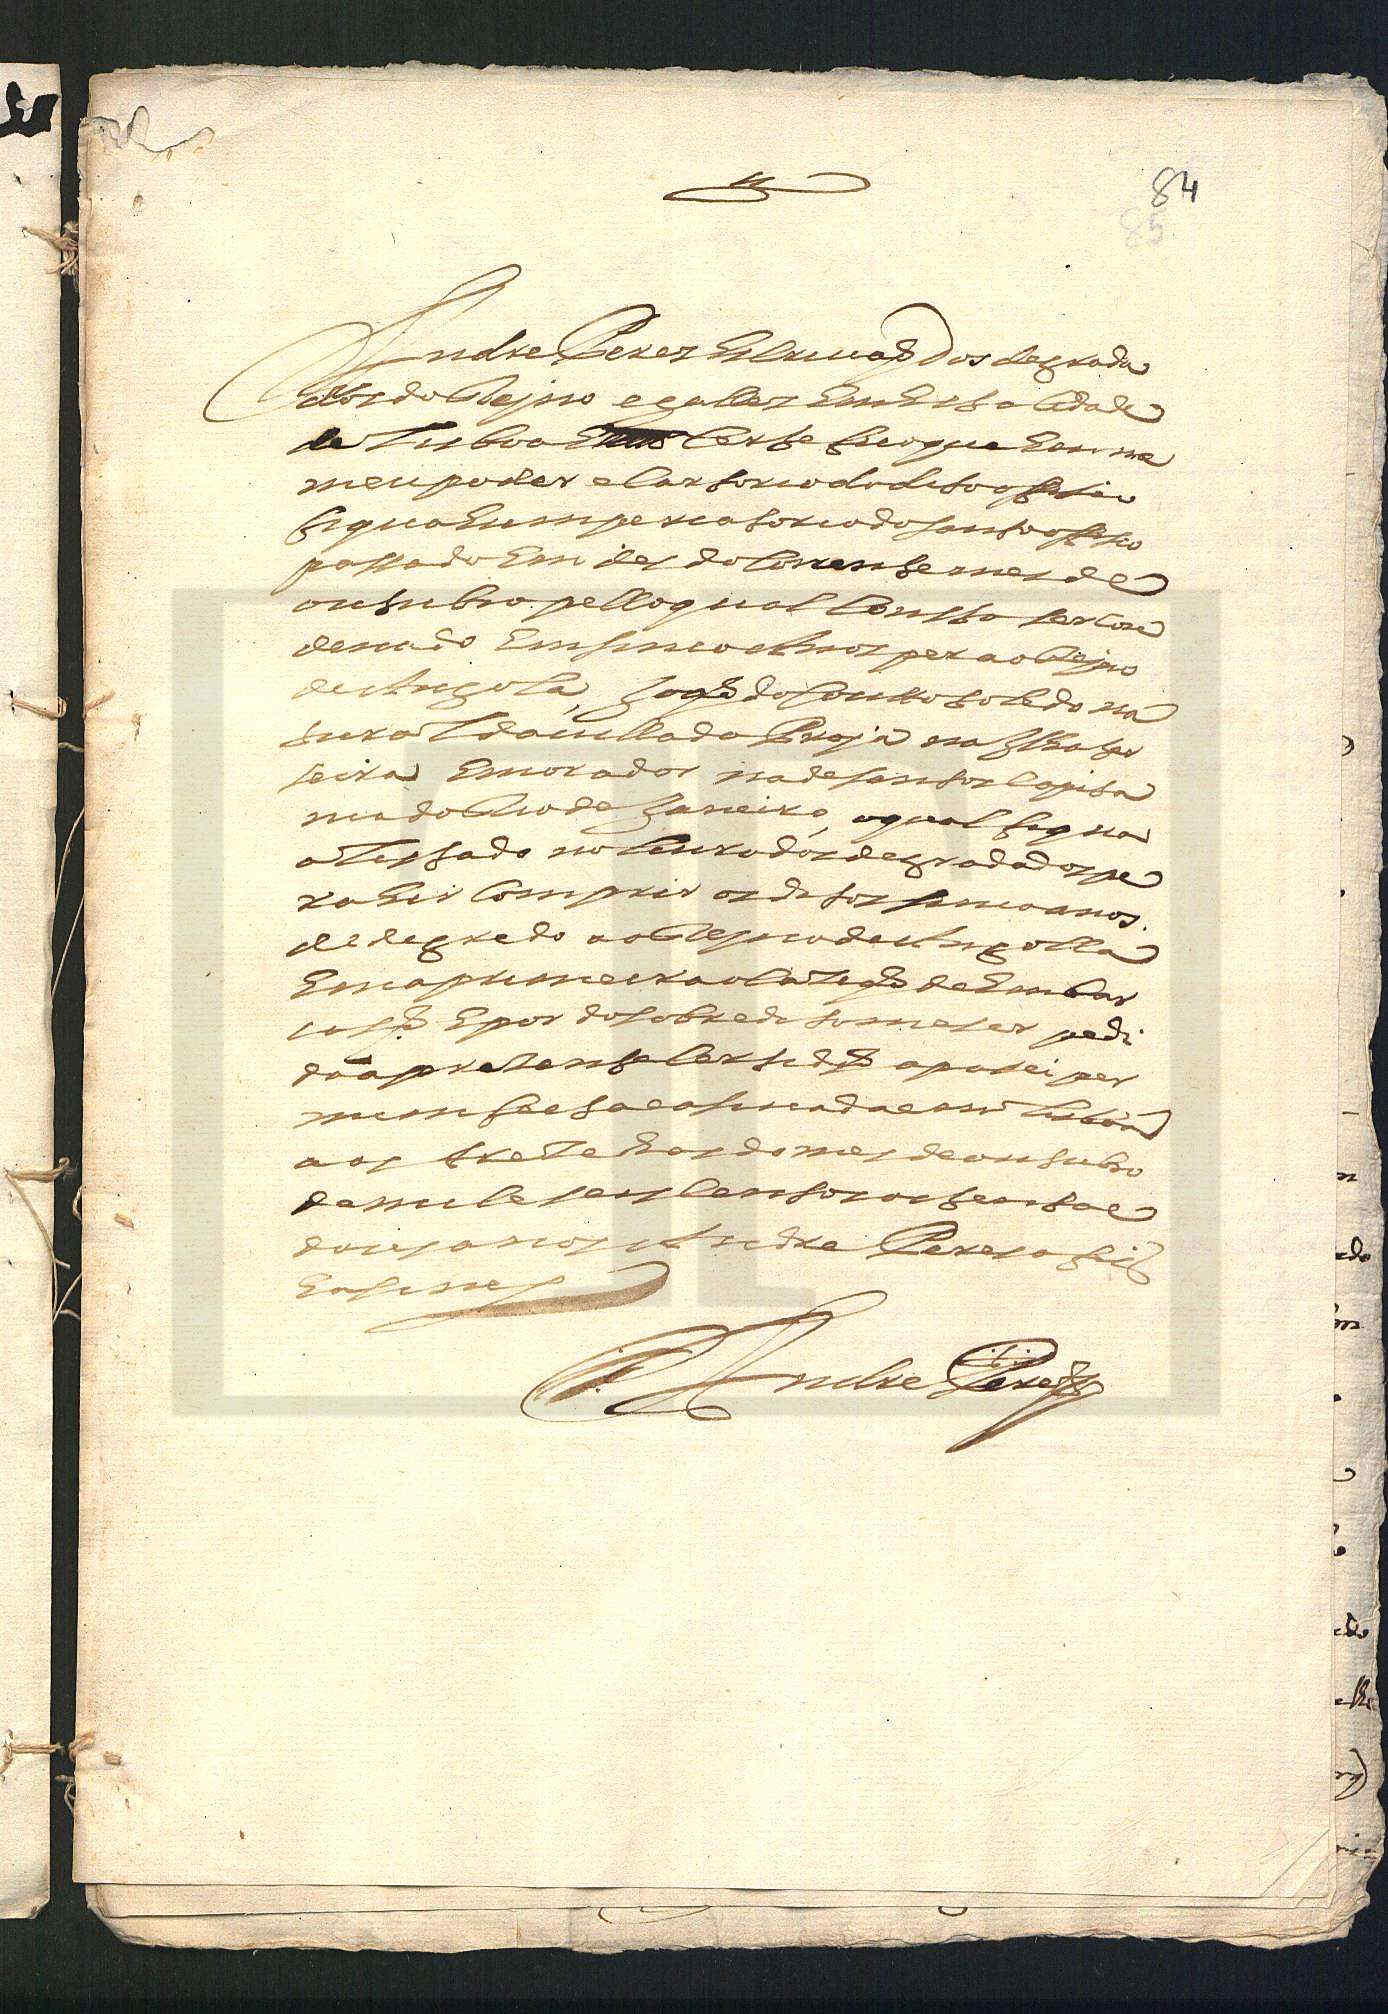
Andre Peres Escriuaõ dos degrada
dos do Rejno e galeez Em Esta Cidade
de Lisboa Ett Certefico que Em no
meu poder e Cartorio do dito officio
fiqua hum percatorio do santo offisio
passado Em des do Corrente mes de
outubro pello qual Consta ser con
denado Em sinco Anos pera o Rejno
de Angola, Joaõ do Coutto toledo na
tural da uilla da Praja na Jlha ter
seira E morador na de santos capita
ma do Rio de Janeiro, o qual fiqua
alestado no liuro dos degradados pe
ra hir comprir os ditos sinco anos.
de degredo ao Rejno de Angolla
Em a primeira ocaziaõ de Embar
casaõ E por do sobredito me ser pedi
da a prezente Certidaõ a pasei per
mim feita e asinada em Lisboa
aos treze dias do mes de outubro
de mil e seiscentos oitenta e
dous anos Andre Peres a fis
E asinej
Andre Peres
